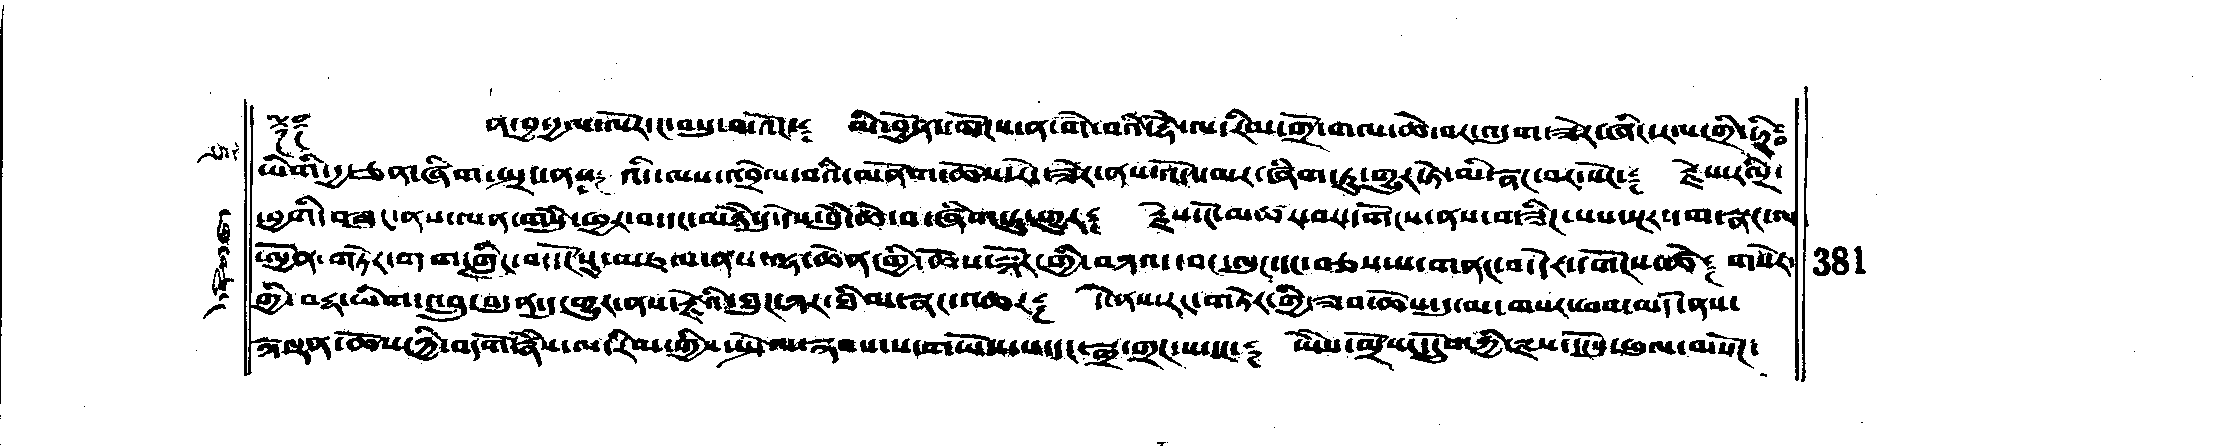ན་བྱ་རྒྱལ་ལོར་ང་བསུ་བ་འོང་། མི་བྱོན་དགོངས་ན་བདེ་བའི་རྡོ་རྗེ་ལ་རིམ་གྲོ་གལ་ཆེ་བར་འདུག་ཟེར་ཞིང་རལ་གྲི་ཧྲིཿ 
ཡིག་གི་རྒྱ་ཅན་ཞིག་སྤྲད་ནས། འདི་ལས་འབྲེལ་བའི་མནོག་ཆོས་རེད་ཟེར་ནས་འོད་དམར་ཞིག་ཏུ་གྱུར་ཏེ་མི་སྣང་བར་སོང་། རྗེས་རལ་གྲི་
ཕྱག་གིས་བཟུང་ནས་ལན་གསུམ་ཕྱར་བ་དང་མཉམ་དུ་དཔེ་བུམ་ཆེ་བ་ཞིག་ཏུ་གྱུར། རྗེས་ངོ་མཚར་བར་དགོངས་ནས་གཟིགས་པས་སྔར་དག་སྣང་ལ་
ཨོ་རྒྱན་གཏེར་བདག་གླིང་པ་དངོས་སུ་མཇལ་ནས་ལྷ་ཆེན་གྱི་ཆོས་སྐོར་གྱི་བཀའ་དབང་ལུང་དང་བཅས་པ་གནང་བ་དེར་དགོངས་ཚེ། གསེར་
གྱི་བརྡ་ཡིག་འབྲུ་བདུན་དུ་གྱུར་ནས་རྗེའི་ཐུགས་ཀར་ཐིམ་སྣང་འཆར། དེ་ནས་རང་གཏེར་གྱི་ཟབ་ཆོས་དུ་མ་གསར་ཕབ་མཛད་ནས་
སྐལ་ལྡན་ཆོས་ཀྱི་བདག་པོ་རྣམས་ལ་རིམ་གྱིས་སྤེལ་སྐབས་ས་གཡོས་པ་དང་སྒྲ་གྲགས་པ་དང་།ཡེ་ཤེས་མཁའ་འགྲོས་དངོས་གྲུབ་ཀྱི་རྫས་དངོས་སུ་ཕུལ་བ་སོགས་